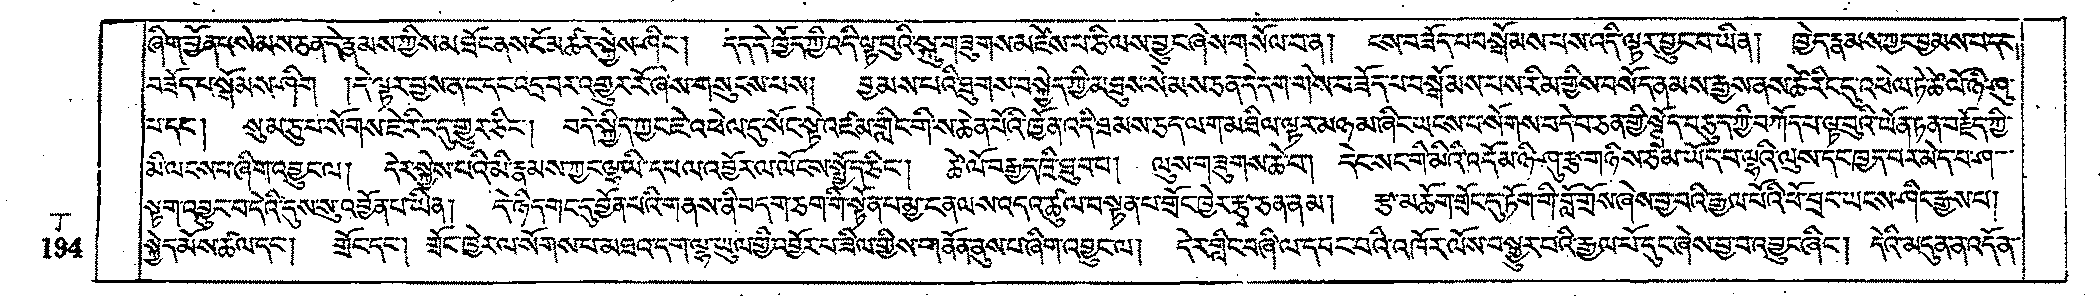ཞིག་བྱོན་པ་སེམས་ཅན་དེ་རྣམས་ཀྱིས་མཐོང་ནས་ངོ་མཚར་སྐྱེས་ཤིང་། དད་དེ་ཁྱོད་ཀྱི་འདི་ལྟ་བུའི་སྐུ་གཟུགས་མཛེས་པ་ཅི་ལས་བྱུང་ཞེས་གསོལ་བ་ན། ངས་བཟོད་པ་བསྒོམས་པས་འདི་ལྟར་བྱུང་བ་ཡིན། ཁྱེད་རྣམས་ཀྱང་བྱམས་པ་དང་།
བཟོད་པ་སྒོམས་ཤིང་། །དེ་ལྟར་བྱས་ན་ང་དང་འདྲ་བར་འགྱུར་རོ་ཞེས་གསུངས་པས། བྱམས་པའི་ཐུགས་བསྐྱེད་ཀྱི་མཐུས་སེམས་ཅན་དེ་དག་གིས་བཟོད་པ་བསྒོམས་པས་རིམ་གྱིས་བསོད་ནམས་རྒྱས་ནས་ཚེ་རིང་དུ་འཕེལ་ཏེ་ཚེ་ལོ་ཉི་ཤུ་
པ་དང་། སུམ་ཅུ་པ་སོགས་ཇེ་རིང་དུ་གྱུར་ཅིང་། བདེ་སྐྱིད་ཀྱང་ཇེ་འཕེལ་དུ་སོང་སྟེ་འཛམ་གླིང་གི་ས་ཆེན་པོའི་ཁྱོན་འདི་ཐམས་ཅད་ལག་མཐིལ་ལྟར་མཉམ་ཞིང་ཡངས་པ་སོགས་བདེ་བ་ཅན་གྱི་སྣོད་བཅུད་ཀྱི་བཀོད་པ་ལྟ་བུའི་ཡོན་ཏན་བརྗོད་ཀྱི་
མི་ལངས་པ་ཞིག་འབྱུང་ལ། དེར་སྐྱེས་པའི་མི་རྣམས་ཀྱང་ལྷ་ཡི་དཔལ་འབྱོར་ལ་ལོངས་སྤྱོད་ཅིང་། ཚེ་ལོ་བརྒྱད་ཁྲི་ཐུབ་པ། ལུས་གཟུགས་ཆེ་བ། དེང་སང་གི་མིའི་འདོམ་ཉི་ཤུ་རྩ་གཉིས་ཙམ་ཡོད་པ་ལྷའི་ལུས་དང་ཁྱད་པར་མེད་པ་ཤ་་་
སྟག་འབྱུང་བ་དེའི་དུས་སུ་འབྱོན་པ་ཡིན། དེ་ཉིད་གང་དུ་བྱོན་པའི་གནས་ནི་བདག་ཅག་གི་སྟོན་པ་མྱ་ངན་ལས་འདའ་ཚུལ་བསྟན་པ་གྲོང་ཁྱེར་རྩྭ་ཅན་ནམ། རྩ་མཆོག་གྲོང་དུ་ཏོག་གི་བློ་གྲོས་ཞེས་བྱ་བའི་རྒྱལ་པོའི་ཕོ་བྲང་ཡངས་ཤིང་རྒྱས་པ།
སྐྱེད་མོས་ཚལ་དང་། གྲོང་དང་། གྲོང་ཁྱེར་ལ་སོགས་པ་མཐའ་དག་ལྷ་ཡུལ་གྱི་འབྱོར་པ་ཟིལ་གྱིས་གནོན་ནུས་པ་ཞིག་འབྱུང་ལ། དེར་གླིང་བཞི་ལ་དབང་བའི་འཁོར་ལོས་བསྒྱུར་བའི་རྒྱལ་པོ་དུང་ཞེས་བྱ་བ་འབྱུང་ཞིང་། དེའི་མདུན་ན་འདོན་་་